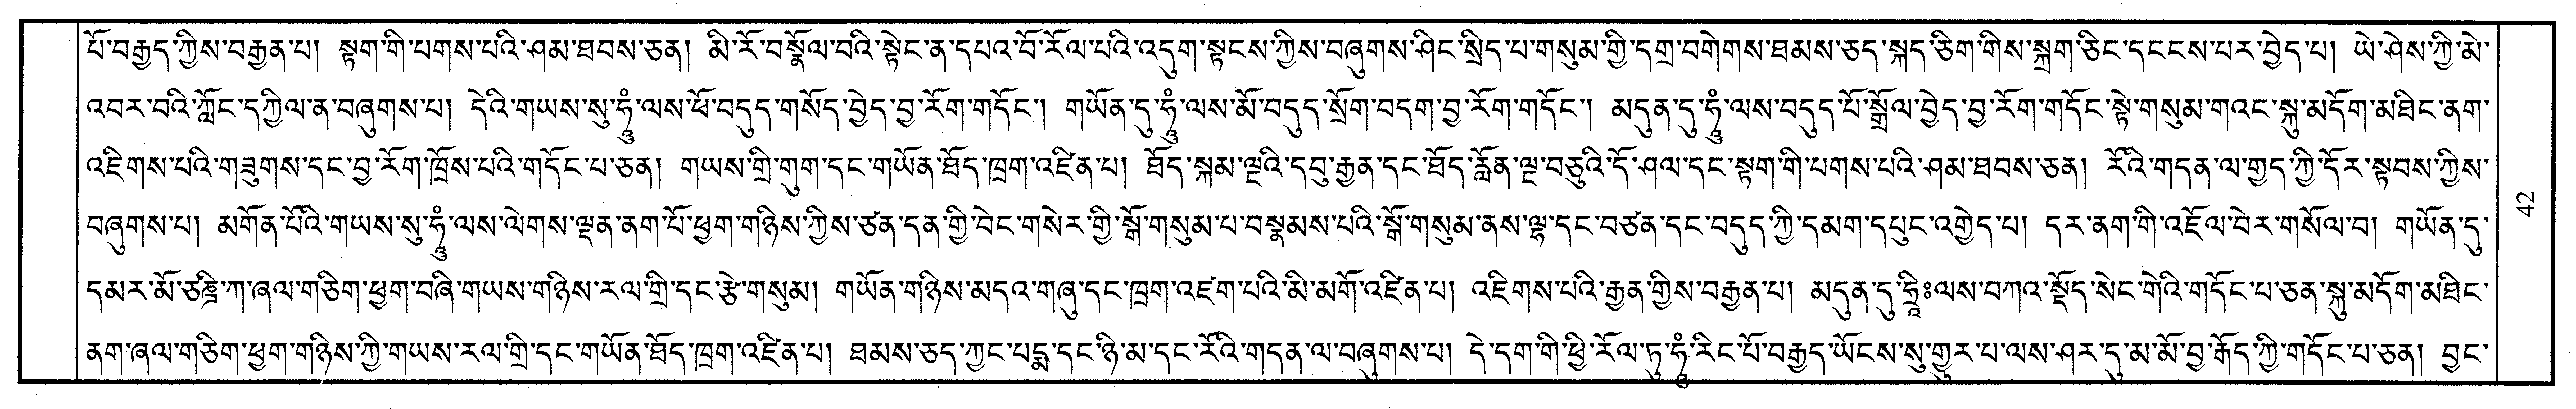པོ་བརྒྱད་ཀྱིས་བརྒྱན་པ། སྟག་གི་པགས་པའི་ཤམ་ཐབས་ཅན། མི་རོ་བསྣོལ་བའི་སྟེང་ན་དཔའ་བོ་རོལ་པའི་འདུག་སྟངས་ཀྱིས་བཞུགས་ཤིང་སྲིད་པ་གསུམ་གྱི་དགྲ་བགེགས་ཐམས་ཅད་སྐད་ཅིག་གིས་སྐྲག་ཅིང་དངངས་པར་བྱེད་པ། ཡེ་ཤེས་ཀྱི་མེ་
འབར་བའི་ཀློང་དཀྱིལ་ན་བཞུགས་པ། དེའི་གཡས་སུ་ཧཱུཾ་ལས་ཕོ་བདུད་གསོད་བྱེད་བྱ་རོག་གདོང་། གཡོན་དུ་ཧཱུཾ་ལས་མོ་བདུད་སྲོག་བདག་བྱ་རོག་གདོང་། མདུན་དུ་ཧཱུཾ་ལས་བདུད་པོ་སྒྲོལ་བྱེད་བྱ་རོག་གདོང་སྟེ་གསུམ་གའང་སྐུ་མདོག་མཐིང་ནག་
འཇིགས་པའི་གཟུགས་དང་བྱ་རོག་ཁྲོས་པའི་གདོང་པ་ཅན། གཡས་གྲི་གུག་དང་གཡོན་ཐོད་ཁྲག་འཛིན་པ། ཐོད་སྐམ་ལྔའི་དབུ་རྒྱན་དང་ཐོད་རློན་ལྔ་བཅུའི་དོ་ཤལ་དང་སྟག་གི་པགས་པའི་ཤམ་ཐབས་ཅན། རོའི་གདན་ལ་གྱད་ཀྱི་དོར་སྟབས་ཀྱིས་
བཞུགས་པ། མགོན་པོའི་གཡས་སུ་ཧཱུཾ་ལས་ལེགས་ལྡན་ནག་པོ་ཕྱག་གཉིས་ཀྱིས་ཙན་དན་གྱི་བེང་གསེར་གྱི་སྒོ་གསུམ་པ་བསྣམས་པའི་སྒོ་གསུམ་ནས་ལྷ་དང་བཙན་དང་བདུད་ཀྱི་དམག་དཔུང་འགྱེད་པ། དར་ནག་གི་འཇོལ་བེར་གསོལ་བ། གཡོན་དུ་
དམར་མོ་ཙཎྜི་ཀ་ཞལ་གཅིག་ཕྱག་བཞི་གཡས་གཉིས་རལ་གྲི་དང་རྩེ་གསུམ། གཡོན་གཉིས་མདའ་གཞུ་དང་ཁྲག་འཛག་པའི་མི་མགོ་འཛིན་པ། འཇིགས་པའི་རྒྱན་གྱིས་བརྒྱན་པ། མདུན་དུ་ཧྲཱིཿ ལས་བཀའ་སྡོད་སེང་གེའི་གདོང་པ་ཅན་སྐུ་མདོག་མཐིང་
ནག་ཞལ་གཅིག་ཕྱག་གཉིས་ཀྱི་གཡས་རལ་གྲི་དང་གཡོན་ཐོད་ཁྲག་འཛིན་པ། ཐམས་ཅད་ཀྱང་པདམ་དང་ཉི་མ་དང་རོའི་གདན་ལ་བཞུགས་པ། དེ་དག་གི་ཕྱི་རོལ་ཏུ་ཧཱུཾ་རིང་པོ་བརྒྱད་ཡོངས་སུ་གྱུར་པ་ལས་ཤར་དུ་མ་མོ་བྱ་རྒོད་ཀྱི་གདོང་པ་ཅན། བྱང་